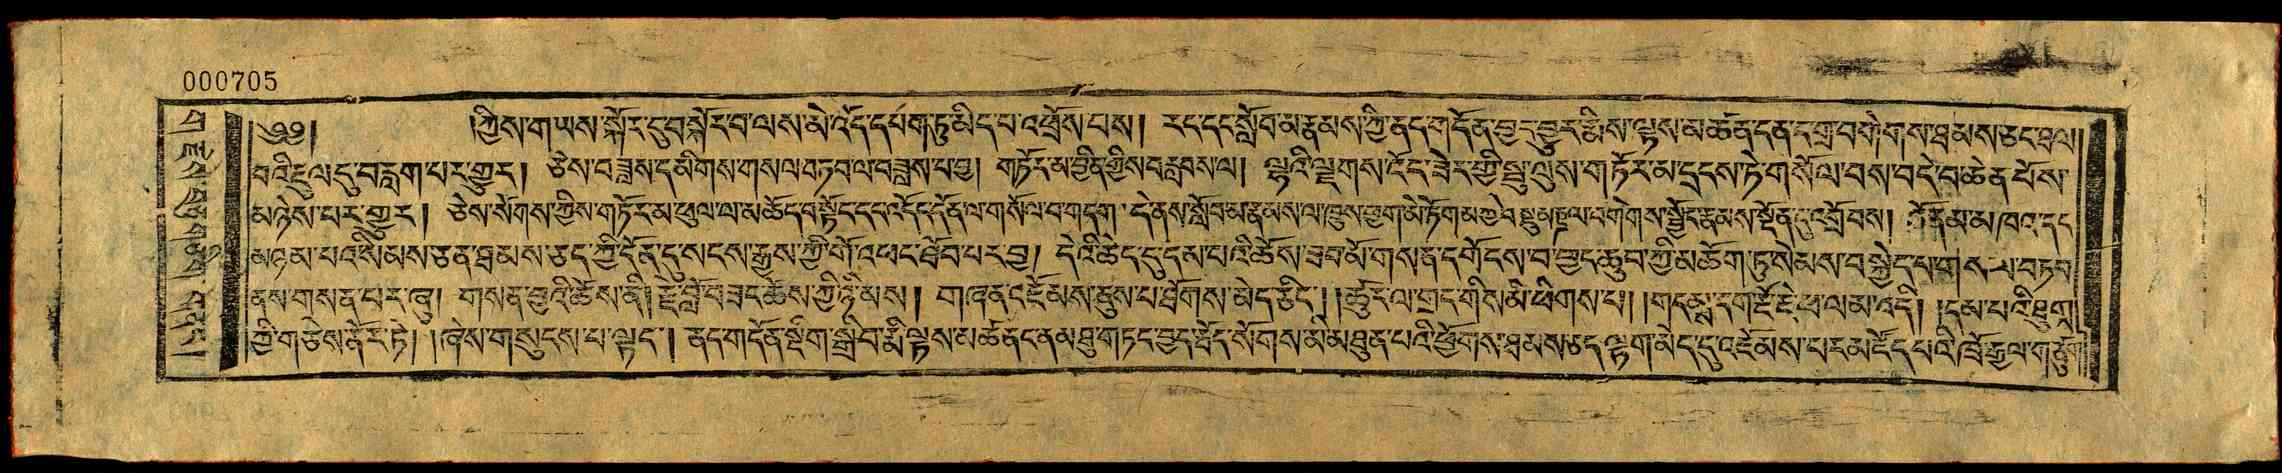༄༅། །ཀྱིས་གཡས་སྐོར་དུ་བསྐོར་བ་ལས་མེ་འོད་དཔག་ཏུ་མེད་པ་འཕྲོས་པས། རང་དང་སློབ་མ་རྣམས་ཀྱི་ནད་གདོན་བྱང་བྱུར་རྨས་ལྟས་མཚན་ངན་དགྲ་བགེགས་ཐམས་ཅད་ཐལ་
བའི་རྡུལ་དུ་བརླག་པར་གྱུར། ཅེས་བཟླས་དམིགས་གསལ་བཏབ་ལ་བཟླས་པ་བྱ། གཏོར་མ་བྱིན་གྱིས་བརླབས་ལ།  ལྷའི་ལྗགས་འོད་ཟེར་གྱི་སྦུ་གུས་གཏོར་མ་དྲངས་ཏེ་གསོལ་བས་བདེ་བ་ཆེན་པོས་
མཉེས་པར་གྱུར། ཅེས་སོགས་ཀྱིས་གཏོར་མ་ཕུལ་ལ་མཆོད་བསྟོད་དང་འདོད་དོན་ལ་གསོལ་བ་གདབ། དེ་ནས་སློབ་མ་རྣམས་ལ་ཁྲུས་ཕྱག་མེ་ཏོག་བཀྱེ་བསྡུ་མཎྜལ་བགེགས་སྦྱོང་རྣམས་སྔོན་དུ་འགྲོ་བས། འོ་ནམ་མཁའ་དང་
མཉམ་པའི་སེམས་ཅན་ཐམས་ཅད་ཀྱི་དོན་དུ་སངས་རྒྱས་ཀྱི་གོ་འཕང་ཐོབ་པར་བྱ། དེའི་ཆེད་དུ་དམ་པའི་ཆོས་ཟབ་མོ་གསན་དགོངས་པ་བྱང་ཆུབ་ཀྱི་མཆོག་ཏུ་སེམས་བསྐྱེད་པ་གསལ་བཏབ་
ནས་གསན་པར་ཞུ། གསོན་བྱའི་ཆོས་ནི། རྗེ་བློ་བཟང་ཆོས་ཀྱི་ཉི་མས། གཞན་འཇོམས་ནུས་པ་ཐོགས་མེད་ཅིང་། །ཚུར་ལ་གང་གིས་མི་ཕིགས་པ། །གདམས་ངག་རྡོ་རྗེ་ཕ་ལམ་འདི། །དམ་པའི་ཐུགས་
ཀྱི་གཅིས་ནོར་ཏེ། །ཞེས་གསུངས་པ་ལྟར། ནད་གདོན་སྡིག་སྒྲིབ་རྨི་ལྟས་མཚན་ངན་མཐུ་གཏད་བྱད་རྦོད་སོགས་མི་མཐུན་པའི་ཕྱོགས་ཐམས་ཅད་ལྷག་མེད་དུ་འཇོམས་པར་མཛད་པའི་ཁྲོ་རྒྱལ་གཙུག་